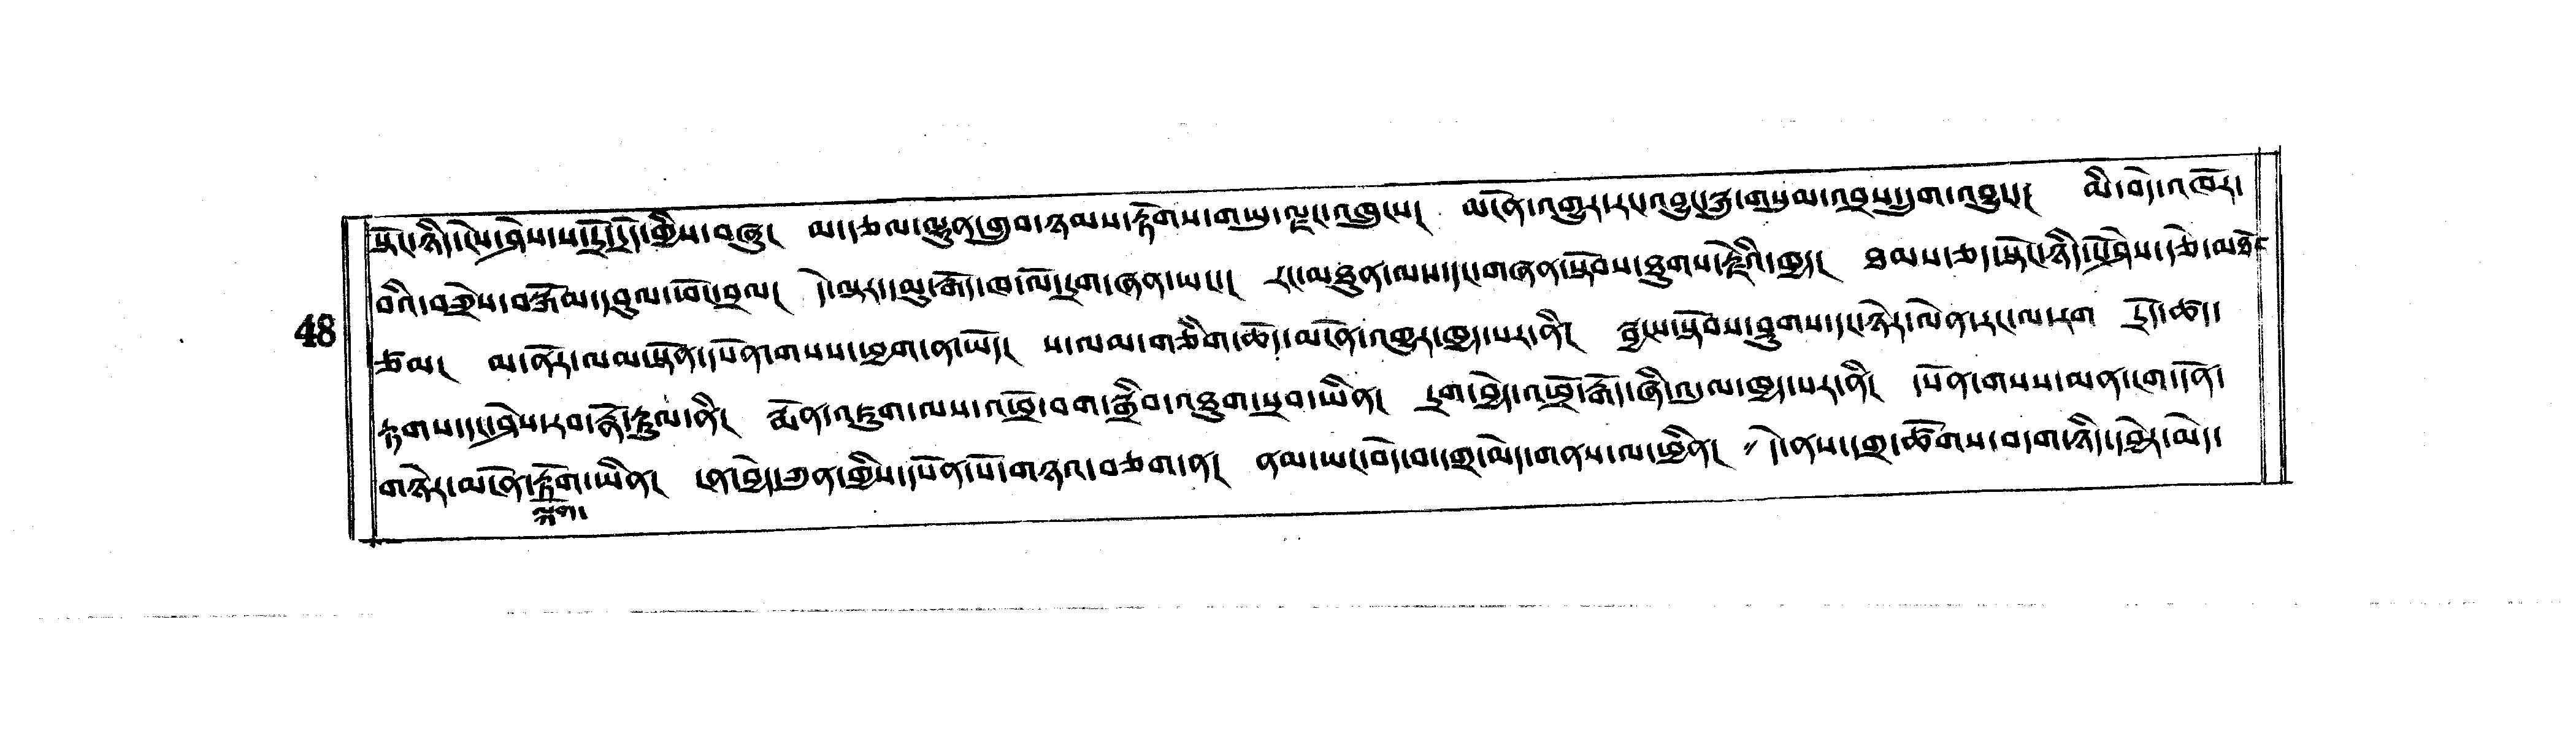སྟོང་ཉིད་ངེས་ཤེས་ས་དྲོ་དྲོད་ཀྱིས་བཞུ། མ་བརྩལ་ལྷུན་གྲུབ་ཉམས་རྟོགས་གཡུ་ལྗང་འཁྲུངས། མངོན་གྱུར་རང་འབྱུང་སྐུ་གསུམ་འབྲས་དྲུག་འབྱུང་། མི་བདེ་འཁོར་
བའི་བཀྲེས་སྐོམ་དབུལ་ཕོངས་བྲལ། དེ་ལྟར་དམུ་རྒོད་ཁ་ལོ་དྲག་ཞན་ཡང་། རང་མཐུན་ལས་དང་གཞན་སྟོབས་ཐུགས་རྗེའི་ཁྱད། ཐམས་ཅད་སྟོང་ཉིད་ཡེ་ཤེས་རྩེ་མཐོང་
ཙམ། མ་ནོར་ལམ་སྟོན་དཔོན་གསས་ཕྱག་ན་ཡོད། ས་ལམ་གཅིག་ཆོད་མངོན་གྱུར་ཁྱད་པར་ནི། སྦྱངས་སྟོབས་ཤུགས་དང་ཉེར་ལེན་རང་ལ་རག དྲོད་ཚད་
རྟགས་དང་ཤེས་རབ་རྣོ་རྟུལ་ནི། སྨོན་འཇུག་ལས་འཕྲོ་བག་སྒྲིབ་མཐུག་སྲབ་ཡིན། དྲག་བྱེད་འཁྲོ་རྒོད་ཞི་འདུལ་ཁྱད་པར་ནི། དཔོན་གསས་མན་ངག་དོན་
གཉེར་མངོན་ལྐོག་ཡིན། ངན་བྱེད་ཀུན་གྱིས་དཔོན་པོ་གཉག་བཅག་ན། ནམ་ཡང་བདེ་བ་དགྲ་མེད་གནས་ལ་ཕྱིན། དེ་ནས་དགྲ་ཚོགས་བདག་ཉིད་དབྱེར་མེད་